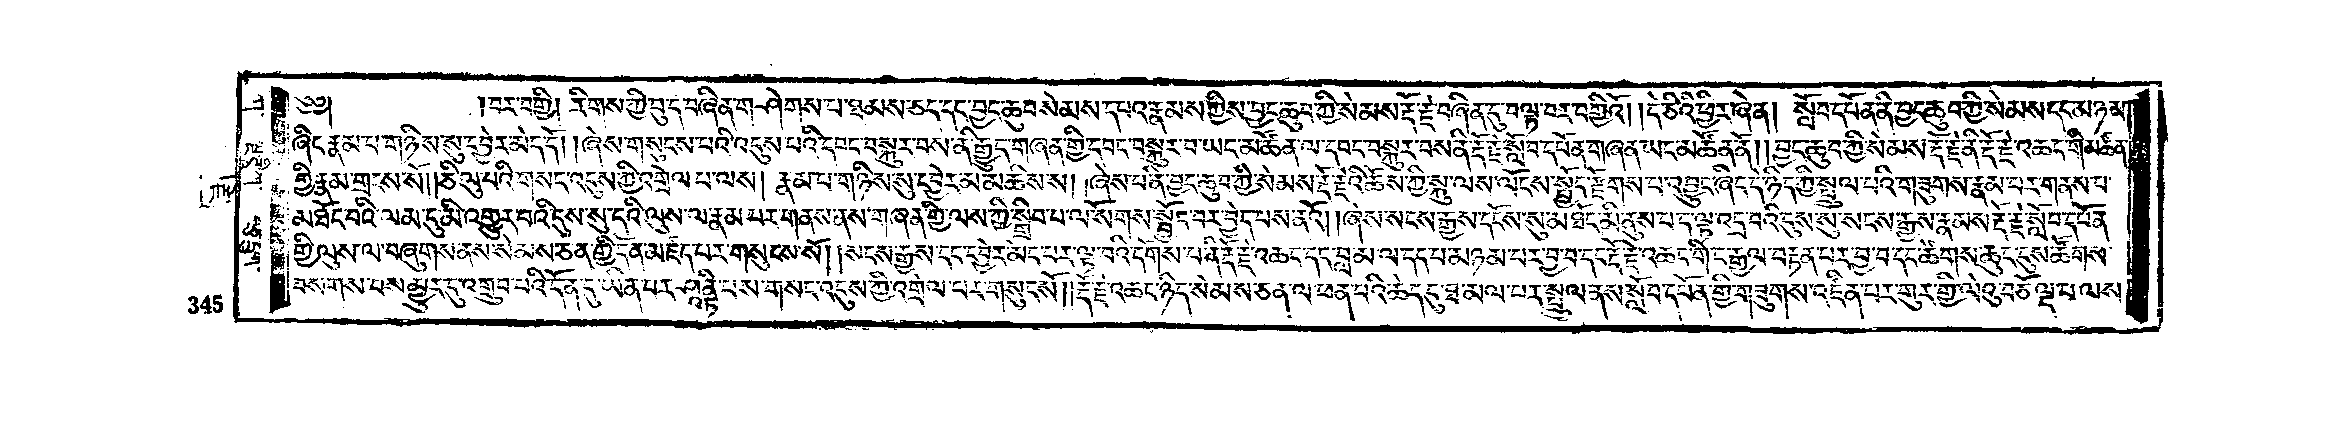༄༅། །བར་བགྱི། རིགས་ཀྱི་བུ་དེ་བཞིན་གཤེགས་པ་ཐམས་ཅད་དང་བྱང་ཆུབ་སེམས་དཔའ་རྣམས་ཀྱིས་བྱང་ཆུབ་ཀྱི་སེམས་རྡོ་རྗེ་བཞིན་དུ་བལྟ་བར་བགྱིའོ། །དེ་ཅིའི་ཕྱིར་ཞེ་ན། སློབ་དཔོན་ནི་བྱང་ཆུབ་ཀྱི་སེམས་དང་མཉམ་
ཞིང་རྣམ་པ་གཉིས་སུ་དབྱེར་མེད་དོ། །ཞེས་གསུངས་པའི་འདུས་པའི་དབང་བསྐུར་བས་ནི་རྒྱུད་གཞན་གྱི་དབང་བསྐུར་བ་ཡང་མཚོན་ལ་དབང་བསྐུར་བས་ནི་རྡོ་རྗེ་སློབ་དཔོན་གཞན་ཡང་མཚོན་ནོ། །བྱང་ཆུབ་ཀྱི་སེམས་རྡོ་རྗེ་ནི་རྡོ་རྗེ་འཆང་གི་མཚན་
གྱི་རྣམ་གྲངས་སོ། །ཅི་ལུ་པའི་གསང་འདུས་ཀྱི་འགྲེལ་པ་ལས། རྣམ་པ་གཉིས་སུ་དབྱེར་མ་མཆིས་ས། །ཞེས་པ་ནི་བྱང་ཆུབ་ཀྱི་སེམས་རྡོ་རྗེའི་ཆོས་ཀྱི་སྐུ་ལས་ལོངས་སྤྱོད་རྫོགས་པ་འབྱུང་ཞིང་དེ་ཉིད་ཀྱི་སྤྲུལ་པའི་གཟུགས་རྣམ་པར་གནས་པ་
མཐོང་བའི་ལམ་དུ་མི་འགྱུར་བའི་དུས་སུ་དའི་ལུས་ལ་རྣམ་པར་གནས་ནས་གཞན་གྱི་ལས་ཀྱི་སྒྲིབ་པ་ལ་སོགས་སྦྱོང་བར་བྱེད་པས་ནའོ། །ཞེས་སངས་རྒྱས་དངོས་སུ་མཐོང་མི་ནུས་པ་ད་ལྟ་འདྲ་བའི་དུས་སུ་སངས་རྒྱས་རྣམས་རྡོ་རྗེ་སློབ་དཔོན་
གྱི་ལུས་ལ་བཞུགས་ནས་སེམས་ཅན་གྱི་དོན་མཛད་པར་གསུངས་སོ། །སངས་རྒྱས་དང་དབྱེར་མེད་པར་ལྟ་བའི་དགོས་པ་ནི་རྡོ་རྗེ་འཆང་དང་བླ་མ་ལ་དད་པ་མཉམ་པར་བྱ་བ་དང་རྡོ་རྗེ་འཆང་གི་ང་རྒྱལ་བརྟན་པར་བྱ་བ་དང་ཚེགས་ཆུང་ངུས་ཚོགས་
བསགས་པས་མྱུར་དུ་འགྲུབ་པའི་དོན་དུ་ཡིན་པར་ཤཱནྟི་པས་གསང་འདུས་ཀྱི་འགྲེལ་པར་གསུངས་སོ། །རྡོ་རྗེ་འཆང་ཉིད་སེམས་ཅན་ལ་ཕན་པའི་ཆེད་དུ་ཐ་མལ་པར་སྤྲུལ་ནས་སློབ་དཔོན་གྱི་གཟུགས་འཛིན་པར་གུར་གྱི་ལེའུ་བཅོ་ལྔ་པ་ལས་